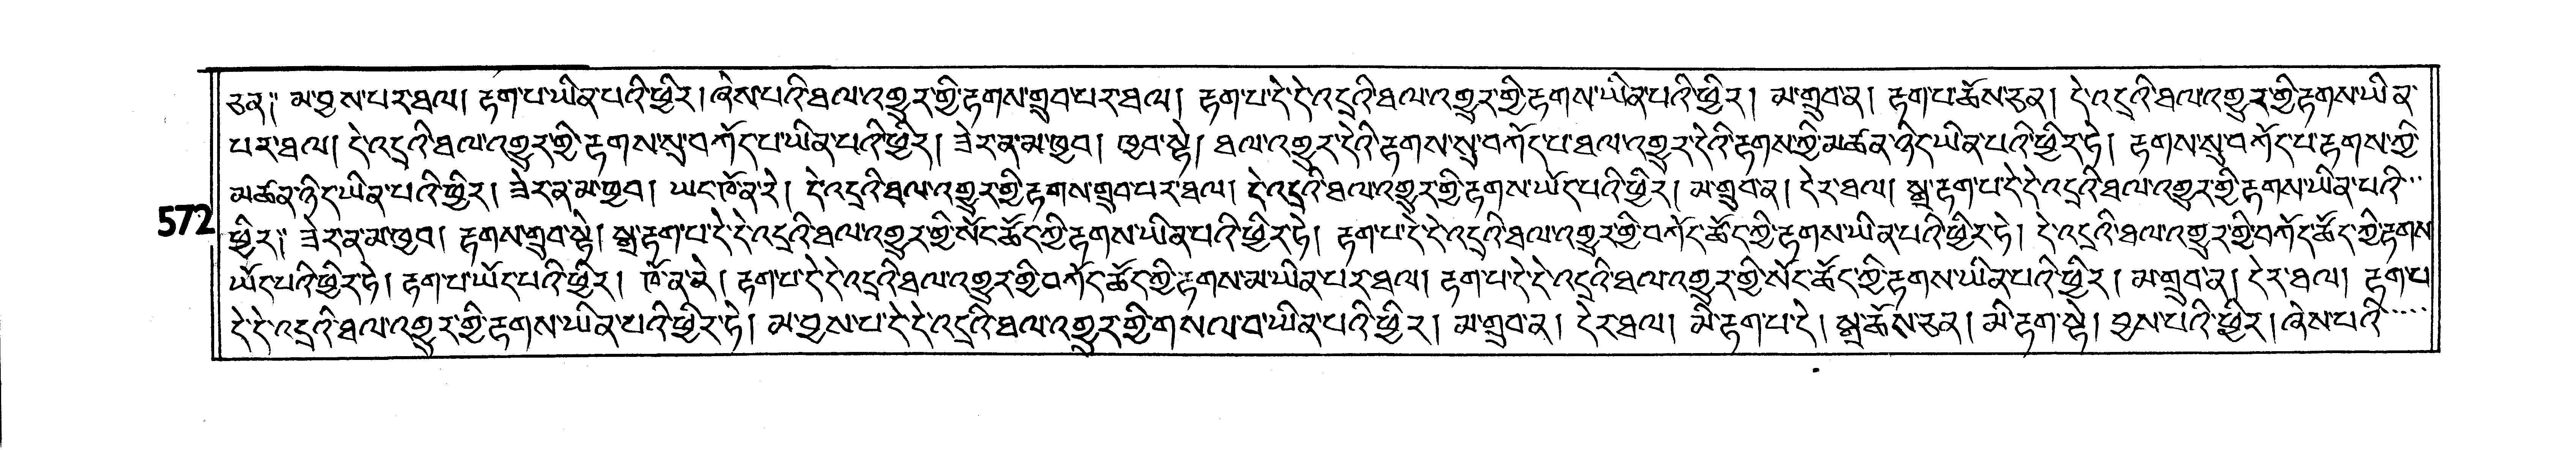ཅན༑ མ་བྱས་པར་ཐལ། རྟག་པ་ཡིན་པའི་ཕྱིར། ཞེས་པའི་ཐལ་འགྱུར་གྱི་རྟགས་གྲུབ་པར་ཐལ། རྟག་པ་དེ་དེ་འདྲའི་ཐལ་འགྱུར་གྱི་རྟགས་ཡིན་པའི་ཕྱིར། མ་གྲུབ་ན། རྟག་པ་ཆོས་ཅན། དེ་འདྲའི་ཐལ་འགྱུར་གྱི་རྟགས་ཡིན་
པར་ཐལ། དེ་འདྲའི་ཐལ་འགྱུར་གྱི་རྟགས་སུ་བཀོད་པ་ཡིན་པའི་ཕྱིར། ཟེར་ན་མ་ཁྱབ། ཁྱབ་སྟེ། ཐལ་འགྱུར་དེའི་རྟགས་སུ་བཀོད་པ་ཐལ་འགྱུར་དེའི་རྟགས་ཀྱི་མཚན་ཉིད་ཡིན་པའི་ཕྱིར་ཏེ། རྟགས་སུ་བཀོད་པ་རྟགས་ཀྱི་
མཚན་ཉིད་ཡིན་པའི་ཕྱིར། ཟེར་ན་མ་ཁྱབ། ཡང་ཁོ་ན་རེ། དེ་འདྲའི་ཐལ་འགྱུར་གྱི་རྟགས་གྲུབ་པར་ཐལ། དེ་འདྲའི་ཐལ་འགྱུར་རྟགས་ཡོད་པའི་ཕྱིར། མ་གྲུབ་ན། དེར་ཐལ། སྒྲ་རྟག་པ་དེ་དེ་འདྲའི་ཐལ་འགྱུར་གྱི་རྟགས་ཡིན་པའི་
ཕྱིར༑ ཟེར་ན་མ་ཁྱབ། རྟགས་གྲུབ་སྟེ། སྒྲ་རྟག་པ་དེ་དེ་འདྲའི་ཐལ་འགྱུར་གྱི་སོང་ཚོད་ཀྱི་རྟགས་ཡིན་པའི་ཕྱིར་ཏེ། རྟག་པ་དེ་དེ་འདྲའི་ཐལ་འགྱུར་གྱི་བཀོད་ཚོད་ཀྱི་རྟགས་ཡིན་པའི་ཕྱིར་ཏེ། དེ་འདྲའི་ཐལ་འགྱུར་གྱི་བཀོད་ཚོད་ཀྱི་རྟགས་
ཡོད་པའི་ཕྱིར་ཏེ། རྟག་པ་ཡོད་པའི་ཕྱིར། ཁོ་ན་ནེ། རྟག་པ་དེ་དེ་འདྲའི་ཐལ་འགྱུར་གྱི་བཀོད་ཚོད་ཀྱི་རྟགས་མ་ཡིན་པར་ཐལ། རྟག་པ་དེ་དེ་འདྲའི་ཐལ་འགྱུར་གྱི་སོང་ཚོད་ཀྱི་རྟགས་ཡིན་པའི་ཕྱིར། མ་གྲུབ་ན། དེར་ཐལ། རྟག་པ་
དེ་དེ་འདྲའི་ཐལ་འགྱུར་གྱི་རྟགས་ཡིན་པའི་ཕྱིར་ཏེ། མ་བྱས་པ་དེ་དེ་འདྲའི་ཐལ་འགྱུར་གྱི་གསལ་བ་ཡིན་པའི་ཕྱིར། མ་གྲུབ་ན། དེར་ཐལ། མི་རྟག་པ་དེ། སྒྲ་ཆོས་ཅན། མི་རྟག་སྟེ། བྱས་པའི་ཕྱིར། ཞེས་པའི་